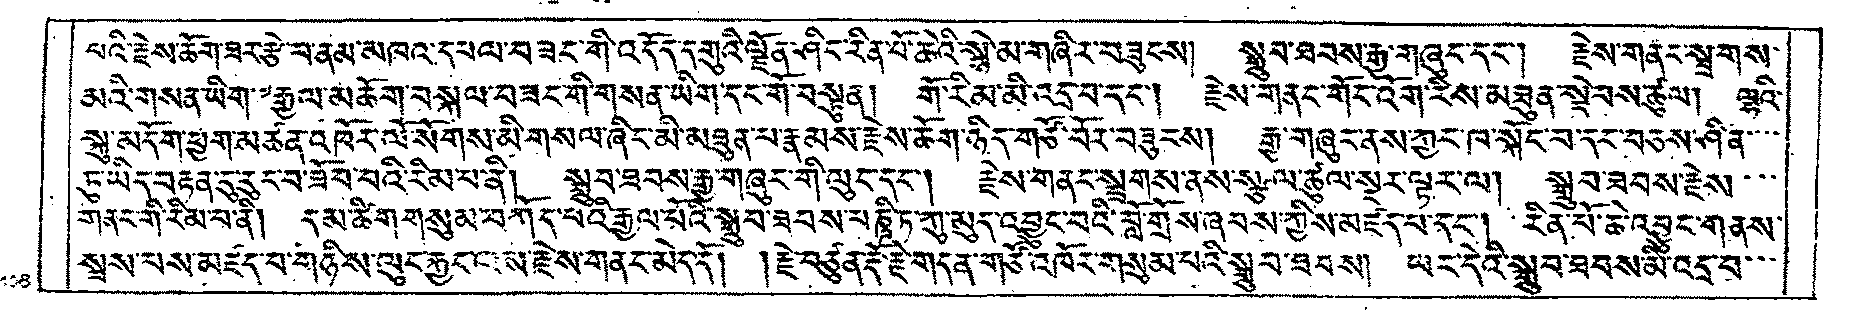པའི་རྗེས་ཆོག་ཐར་རྩེ་བ་ནམ་མཁའ་དཔལ་བཟང་གི་འདོད་དགུའི་ལྗོན་ཤིང་རིན་པོ་ཆེའི་སྙེ་མ་གཞིར་བཟུངས། སྒྲུབ་ཐབས་རྒྱ་གཞུང་དང་། རྗེས་གནང་སྦྲགས་
མའི་གསན་ཡིག་༧རྒྱལ་མཆོག་བསྐལ་བཟང་གི་གསན་ཡིག་དང་གོ་བསྟུན། གོ་རིམ་མི་འདྲ་བ་དང་། རྗེས་གནང་གོང་འོག་རིས་མཐུན་སྡེབས་ཚུལ། ལྷའི་
སྐུ་མདོག་ཕྱག་མཚན་འཁོར་ལོ་སོགས་མི་གསལ་ཞིང་མི་མཐུན་པ་རྣམས་རྗེས་ཆོག་ཉིད་གཙོ་བོར་བཟུངས། རྒྱ་གཞུང་ནས་ཀྱང་ཁ་སྐོང་བ་དང་བཅས་ཤིན་
ཏུ་ཡིད་བརྟན་དུ་རུང་བ་ཐོབ་པའི་རིམ་པ་ནི། སྒྲུབ་ཐབས་རྒྱ་གཞུང་གི་ལུང་དང་། རྗེས་གནང་སྦྲགས་ནས་སྩལ་ཚུལ་སྔར་ལྟར་ལ། སྒྲུབ་ཐབས་རྗེས་
གནང་གི་རིམ་པ་ནི། དམ་ཚིག་གསུམ་བཀོད་པའི་རྒྱལ་པོའི་སྒྲུབ་ཐབས་པཎྜི་ཏ་ཀུ་མུད་འབྱུང་བའི་བློ་གྲོས་ཞབས་ཀྱིས་མཛད་པ་དང་། རིན་པོ་ཆེ་འབྱུང་གནས་
སྦས་པས་མཛད་པ་གཉིས་ལུང་རྐྱང་ལས་རྗེས་གནང་མེད་དོ། །རྗེ་བཙུན་རྡོ་རྗེ་གདན་གཙོ་འཁོར་གསུམ་པའི་སྒྲུབ་ཐབས། ཡང་དེའི་སྒྲུབ་ཐབས་མི་འདྲ་བ་